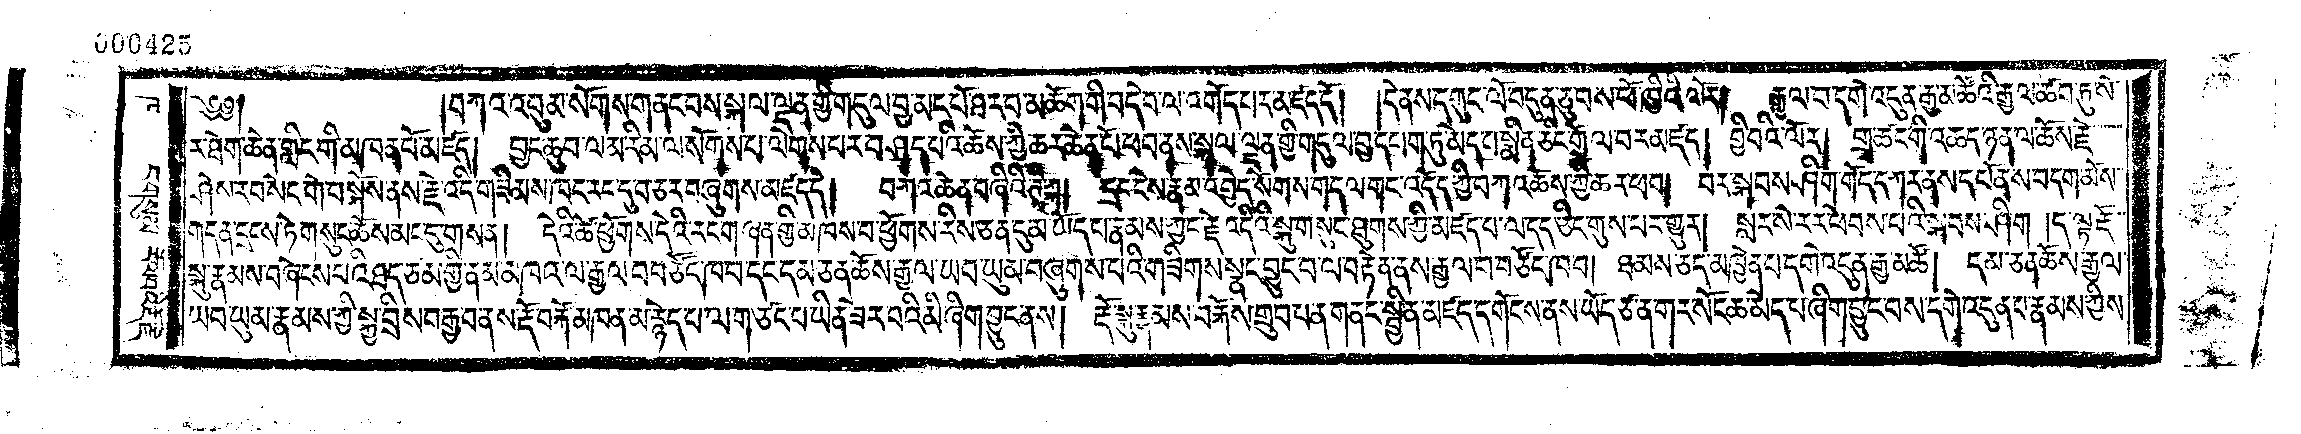༄༅། །བཀའ་འབུམ་སོགས་གནང་བས་སྐལ་ལྡན་གྱི་གདུལ་བྱ་མང་པོ་ཐར་པ་མཆོག་གི་བདེ་བ་ལ་འགོད་པར་མཛད་དོ། །དེ་ནས་དགུང་ལོ་བདུན་ཅུ་པ་ས་ཕོ་ཁྱིའི་ལོར། རྒྱལ་བ་དགེ་འདུན་རྒྱ་མཚོའི་རྒྱལ་ཚབ་ཏུ་སེ་
ར་ཐེག་ཆེན་གླིང་གི་མཁན་པོ་མཛད། བྱང་ཆུབ་ལམ་རིམ་ལ་སོགས་པ་ལེགས་པར་བཤད་པའི་ཆོས་ཀྱི་ཆར་ཆེན་པོ་ཕབ་ནས་སྐལ་ལྡན་གྱི་གདུལ་བྱ་དཔག་ཏུ་མེད་པ་སྨིན་ཅིང་གྲོལ་པར་མཛད། བྱི་བའི་ལོར། གྲྭ་ཚང་གི་འཆད་ཉན་ལ་ཆོས་རྗེ་
ཤེས་རབ་སེང་གེ་བསྐོས་ནས་རྗེ་འདི་གཟིམས་ཁང་རང་དུ་བཅར་བཞུགས་མཛད་དེ། བཀའ་ཆེན་བཞིའི་ཊཱིཀྐ། དྲང་ངེས་རྣམ་འབྱེད་སོགས་གང་ལ་གང་འདོད་ཀྱི་བཀའ་ཆོས་ཀྱི་ཆར་ཕབ། བར་སྐབས་ཤིག་གོང་དཀར་ནས་དཔོན་ས་བདག་མོས་
གདན་དྲངས་ཏེ་གསུང་ཆོས་མང་དུ་གསན། དེའི་ཚེ་ཕྱོགས་དེའི་རང་གཞན་གྱི་མཁས་པ་ཕྱོགས་རིས་ཅན་དུ་མ་ཡོད་པ་རྣམས་ཀྱང་རྗེ་འདིའི་སྐུ་གསུང་ཐུགས་ཀྱི་མཛད་པ་ལ་དད་ཅིང་གུས་པར་གྱུར། སླར་སེ་རར་ཕེབས་པའི་སྐབས་ཤིག །ད་ལྟ་རྡོ་
སྐུ་རྣམས་བཞེངས་པའི་ཐད་ཙམ་གྱི་ནམ་མཁའ་ལ་རྒྱལ་བ་བཙོང་ཁ་པ་དང་དམ་ཅན་ཆོས་རྒྱལ་ཡབ་ཡུམ་བཞུགས་པའི་གཟིགས་སྣང་བྱུང་བ་ལ་བརྟེན་ནས་རྒྱལ་བ་བཙོང་ཁ་པ། ཐམས་ཅད་མཁྱེན་པ་དགེ་འདུན་རྒྱ་མཚོ། དམ་ཅན་ཆོས་རྒྱལ་
ཡབ་ཡུམ་རྣམས་ཀྱི་སྐྱ་བྲིས་བརྒྱབ་ནས་རྡོ་བརྐོ་མཁན་མ་རྙེད་པ་ལ་གཙང་བ་ཡིན་ཟེར་བའི་མི་ཞིག་བྱུང་ནས། རྡོ་སྐུ་རྣམས་བརྐོས་གྲུབ་པ་ན་གནང་སྦྱིན་མཛད་དགོངས་ནས་ཡོད་ཙན་གར་སོང་ཆ་མེད་པ་ཞིག་བྱུང་བས་དགེ་འདུན་པ་རྣམས་ཀྱིས་